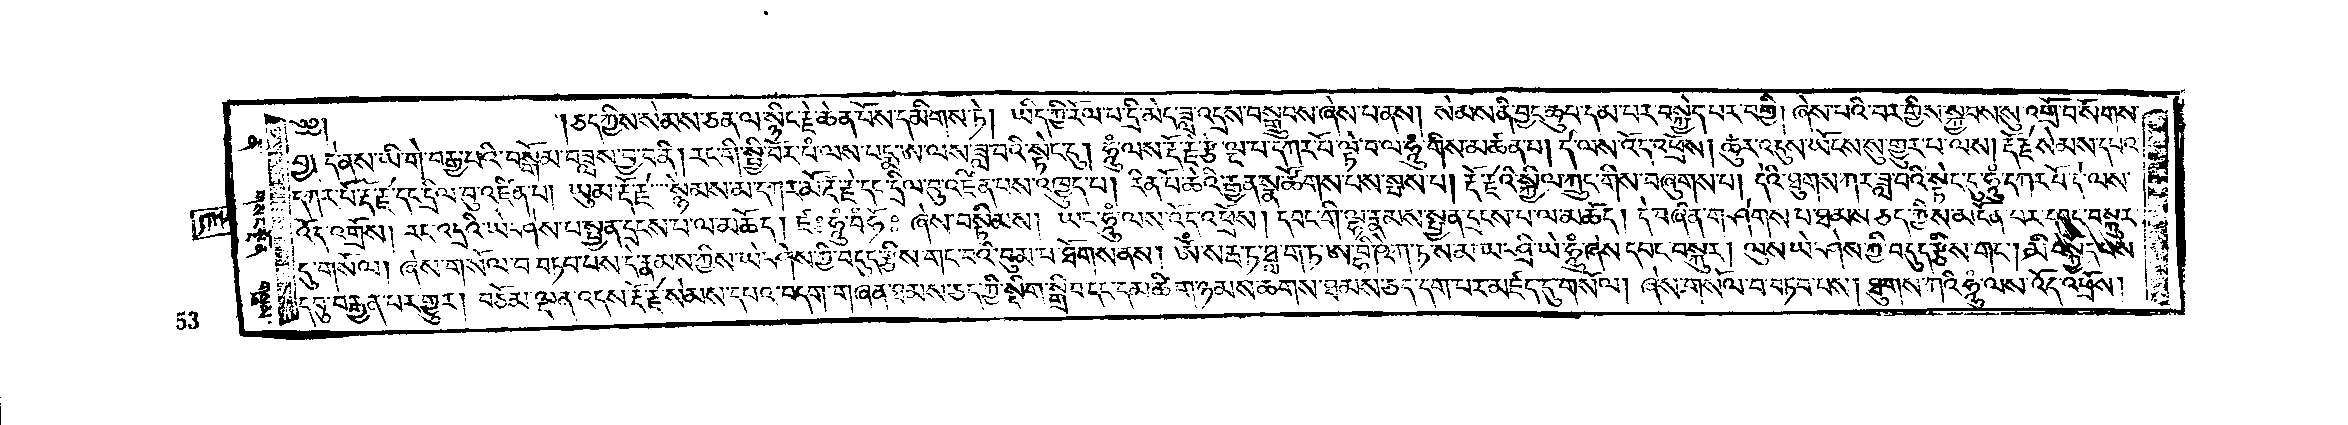༄༅། །ཅད་ཀྱིས་སེམས་ཅན་ལ་སྙིང་རྗེ་ཆེན་པོས་དམིགས་ཏེ། ཡིད་ཀྱི་རོལ་པ་དྲི་མེད་ཟླ་འདྲས་བསྒྲུབས་ཞེས་པ་ནས། སེམས་ནི་བྱང་ཆུབ་དམ་པར་བསྐྱེད་པར་བགྱི། ཞེས་པའི་བར་གྱིས་སྐྱབས་སུ་འགྲོ་བ་སོགས་
བྱ། དེ་ནས་ཡི་གེ་བརྒྱ་པའི་བསྒོམ་བཟླས་བྱ་བ་ནི། རང་གི་སྤྱི་བོར་པཾ་ལས་པདམ་ཨ་ལས་ཟླ་བའི་སྟེང་དུ། ཧཱུཾ་ལས་རྡོ་རྗེ་རྩེ་ལྔ་པ་དཀར་པོ་ལྟེ་བ་ལ་ཧཱུཾ་གིས་མཚན་པ། དེ་ལས་འོད་འཕྲོས། ཚུར་འདུས་ཡོངས་སུ་གྱུར་པ་ལས། རྡོ་རྗེ་སེམས་དཔའ་
དཀར་པོ་རྡོ་རྗེ་དང་དྲིལ་བུ་འཛིན་པ། ཡུམ་རྡོ་རྗེ་སྙེམས་མ་དཀར་མོ་རྡོ་རྗེ་དང་དྲིལ་བུ་འཛིན་པས་འཁྱུད་པ། རིན་པོ་ཆེའི་རྒྱན་སྣ་ཚོགས་པས་སྤས་པ། རྡོ་རྗེའི་སྐྱིལ་ཀྲུང་གིས་བཞུགས་པ། དེའི་ཐུགས་ཀར་ཟླ་བའི་སྟེང་དུ་ཧཱུཾ་དཀར་པོ་དེ་ལས་
འོད་འཕྲོས། རང་འདྲའི་ཡེ་ཤེས་པ་སྤྱན་དྲངས་པ་ལ་མཆོད། ཛཿ ཧཱུཾ་བཾ་ཧོཿ ཞེས་བསྟིམས། ཡང་ཧཱུཾ་ལས་འོད་འཕྲོས། དབང་གི་ལྷ་རྣམས་སྤྱན་དྲངས་པ་ལ་མཆོད། དེ་བཞིན་གཤེགས་པ་ཐམས་ཅད་ཀྱིས་མངོན་པར་དབང་བསྐུར་
དུ་གསོལ། ཞེས་གསོལ་བ་བཏབ་པས་དེ་རྣམས་ཀྱིས་ཡེ་ཤེས་ཀྱི་བདུད་རྩིས་གང་བའི་བུམ་པ་ཐོགས་ནས། ཨོཾ་སརྦ་ཏ་ཐཱ་ག་ཏ་ཨ་བྷི་ཥེ་ཀ་ཏ་ས་མ་ཡ་ཤྲི་ཡེ་ཧཱུཾ་ཞེས་དབང་བསྐུར། ལུས་ཡེ་ཤེས་ཀྱི་བདུད་རྩིས་གང་། མི་བསྐྱོད་པས་
དབུ་བརྒྱན་པར་གྱུར། བཅོམ་ལྡན་འདས་རྡོ་རྗེ་སེམས་དཔའ་བདག་གཞན་ཐམས་ཅད་ཀྱི་སྡིག་སྒྲིབ་དང་དམ་ཚིག་ཉམས་ཆགས་ཐམས་ཅད་དག་པར་མཛད་དུ་གསོལ། ཞེས་གསོལ་བ་བཏབ་པས། ཐུགས་ཀའི་ཧཱུཾ་ལས་འོད་འཕྲོས།